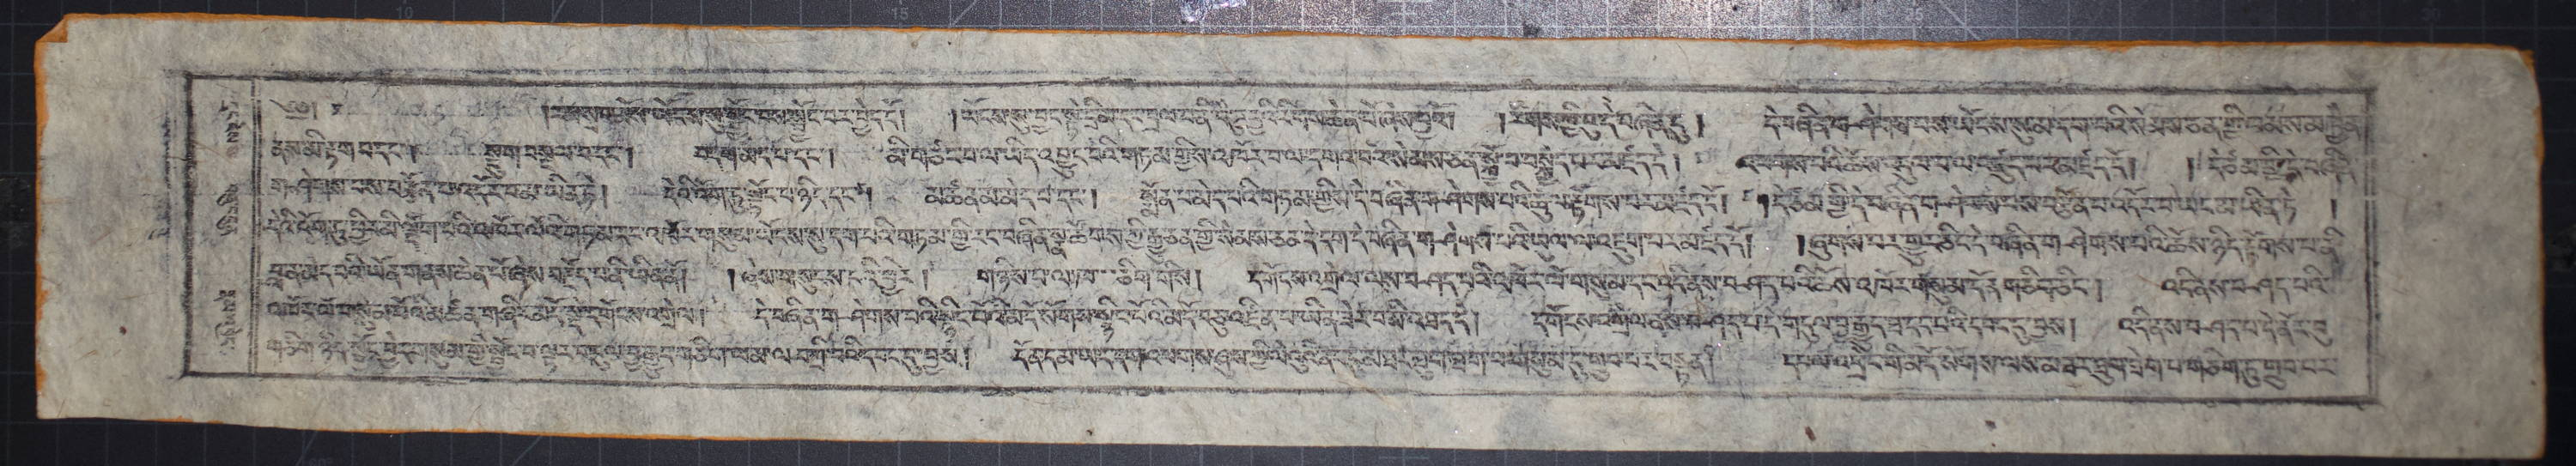༄༅། །རས་སྲབ་མོས་ཡོངས་སུ་སྦྱོང་བས་སྦྱོང་བར་བྱེད་དོ། །ཡོངས་སུ་བྱང་སྟེ་དྲི་མ་དང་བྲལ་བ་ནི་བཻ་ཌུརྱའི་རིགས་ཆེན་པོ་ཞེས་བྱའོ། །རིགས་ཀྱི་བུ་དེ་བཞིན་དུ། དེ་བཞིན་གཤེགས་པས་ཡོངས་སུ་མ་དག་པའི་སེམས་ཅན་གྱི་ཁམས་མཁྱེན་
ནས་མི་རྟག་པ་དང་། སྡུག་བསྔལ་བ་དང་། བདག་མེད་པ་དང་། མི་གཙང་བ་ལ་ཡིད་འབྱུང་བའི་གཏམ་གྱིས་འཁོར་བ་ལ་དགའ་བའི་སེམས་ཅན་སྐྱོ་བ་བསྐྱེད་པར་མཛད་དེ། འཕགས་པའི་ཆོས་འདུལ་བ་ལ་འཛུད་པར་མཛད་དོ། །དེ་ཙམ་གྱིས་དེ་བཞིན་
གཤེགས་པས་བརྩོན་པ་འདོར་བ་མ་ཡིན་ཏེ། དེའི་འོག་ཏུ་སྟོང་པ་ཉིད་དང་། མཚན་མ་མེད་པ་དང་། སྨོན་པ་མེད་པའི་གཏམ་གྱིས་དེ་བཞིན་གཤེགས་པའི་ཚུལ་རྟོགས་པར་མཛད་དོ། །དེ་ཙམ་གྱིས་དེ་བཞིན་གཤེགས་པས་བརྩོན་པ་འདོར་བ་ཡང་མ་ཡིན་ཏེ།
དེའི་འོག་ཏུ་ཕྱིར་མི་ལྡོག་པའི་འཁོར་ལོའི་གཏམ་དང་འཁོར་གསུམ་ཡོངས་སུ་དག་པའི་གཏམ་གྱི་རང་བཞིན་སྣ་ཚོགས་ཀྱི་རྒྱུ་ཅན་གྱི་སེམས་ཅན་དེ་དག་དེ་བཞིན་གཤེགས་པའི་ཡུལ་ལ་འཇུག་པར་མཛད་དོ། །ཞུགས་པར་གྱུར་ཅིང་དེ་བཞིན་གཤེགས་པའི་ཆོས་ཉིད་རྟོགས་པ་ནི་
བླ་ན་མེད་པའི་ཡོན་གནས་ཆེན་པོ་ཞེས་བརྗོད་པ་ནི་ཡིན་ནོ། །ཞེས་གསུངས་པའི་ཕྱིར། གཉིས་པ་ལ་ཁ་ཅིག་གིས། དགོངས་འགྲེལ་ལས་བཤད་པའི་འཁོར་ལོ་གསུམ་དང་འདི་ནས་བཤད་པའི་ཆོས་འཁོར་གསུམ་དོན་གཅིག་ཅིང་། འདི་ནས་བཤད་པའི་
འཁོར་ལོ་གསུམ་པོའི་མཚན་གཞིར་མདོ་སྡེ་དགོངས་འགྲེལ། དེ་བཞིན་གཤེགས་པའི་སྙིང་པོའི་མདོ་སོགས་སྙིང་པོའི་མདོ་བཅུ་འཛིན་པ་ཡིན་ཟེར་བ་མི་འཐད་དེ། དགོངས་འགྲེལ་ནས་བཤད་པ་དེ་གདུལ་བྱ་རྒྱུད་ཐ་དད་པའི་དབང་དུ་བྱས། འདི་ནས་བཤད་པ་དེ་ནོར་བུ་
གཅིག་ཉིད་སྦྱོང་བྱེད་གསུམ་གྱི་སྦྱོར་བ་ལྟར་གདུལ་བྱ་རྒྱུད་གཅིག་ལམ་ལ་བཀྲི་བའི་དབང་དུ་བྱས། དོན་དམ་ཡང་དག་འཕགས་ཞུས་གྱི་ལེའུའི་ནང་དུ་མཐར་ཐུག་ཐེག་པ་གསུམ་དུ་གྲུབ་པར་བསྟན། དཔལ་འཕྲེང་གི་མདོ་སོགས་ལས་མཐར་ཐུག་ཐེག་པ་གཅིག་ཏུ་གྲུབ་པར་